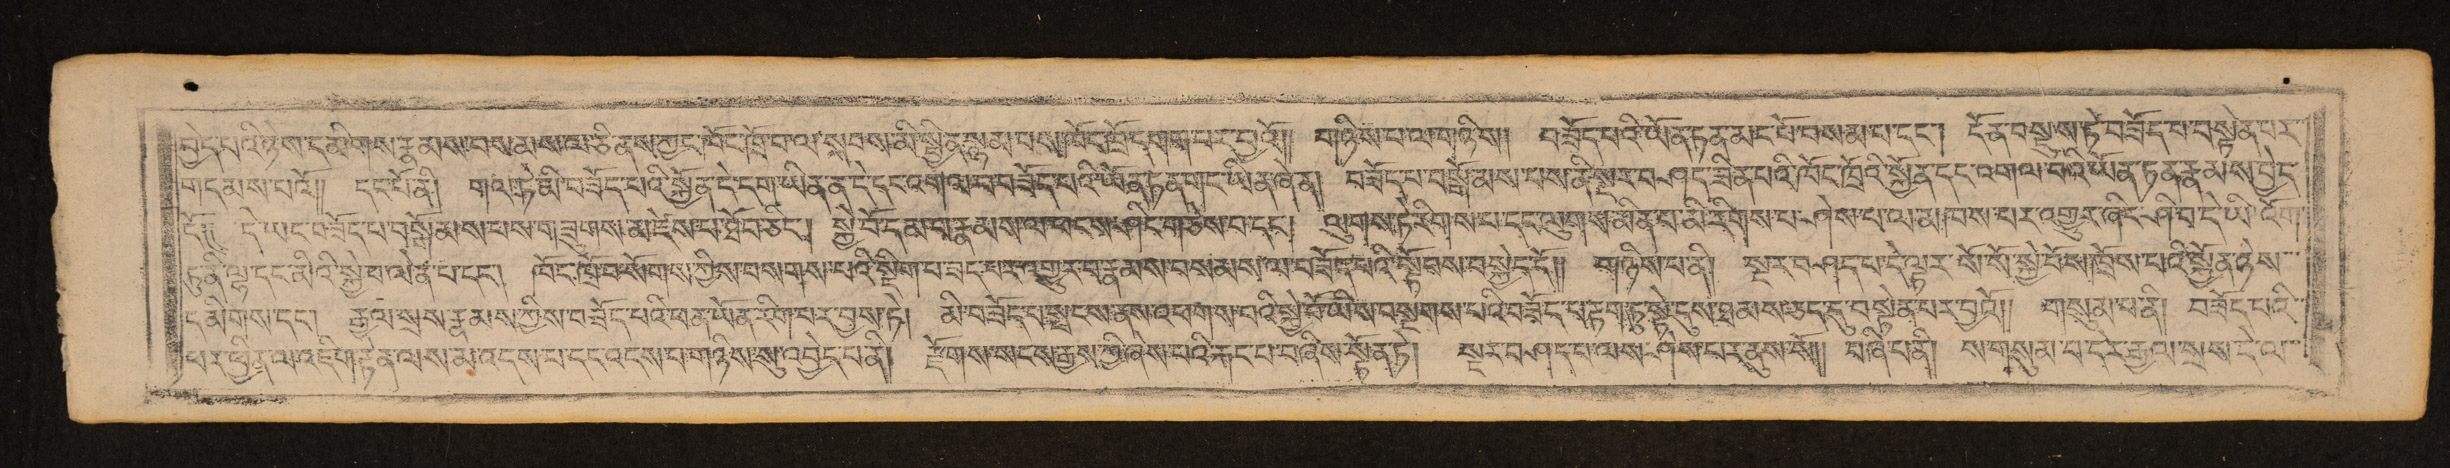བྱེད་པའི་ཉེས་དམིགས་རྣམས་བསམས་ལ་ཅི་ནས་ཀྱང་ཁོང་ཁྲོ་བ་ལ་སྐབས་མི་སྦྱིན་སྙམ་པས་ཁོང་ཁྲོ་དགག་པར་བྱའོ།། གཉིས་པ་ལ་གཉིས། བཟོད་པའི་ཡོན་ཏན་མང་པོ་བསམ་པ་དང་། དོན་བསྡུས་ཏེ་བཟོད་པ་བསྟེན་པར་
གདམས་པའོ།། དང་པོ་ནི། གལ་ཏེ་མི་བཟོད་པའི་སྐྱོན་དེ་དག་ཡིན་ན་དེ་དང་འགལ་བ་བཟོད་པའི་ཡོན་ཏན་གང་ཡིན་ཞེ་ན། བཟོད་པ་བསྒོམས་པས་ནི་སྔར་བཤད་ཟིན་པའི་ཁོང་ཁྲོའི་སྐྱོན་དང་འགལ་བའི་ཡོན་ཏན་རྣམས་བྱེད་
དོ༑༑ དེ་ཡང་བཟོད་པ་བསྒོམས་པས་གཟུགས་མཛེས་པ་ཐོབ་ཅིང་། སྐྱེ་བོ་དམ་པ་རྣམས་ལ་ཕངས་ཤིང་གཅེས་པ་དང་། ལུགས་ཏེ་རིགས་པ་དང་ལུགས་མིན་པ་མི་རིགས་པ་ཤེས་པ་ལ་མཁས་པར་འགྱུར་ཞིང་ཤི་བ་དེ་ཡི་འོག་
ཏུ་ནི་ལྷ་དང་མིའི་སྐྱེ་བ་ལེན་པ་དང་། ཁོང་ཁྲོ་བ་སོགས་ཀྱིས་བསགས་པའི་སྡིག་པ་ཟད་པར་འགྱུར་བ་རྣམས་བསམས་ལ་བཟོད་པའི་སྟོབས་བསྐྱེད་དོ།། གཉིས་པ་ནི། སྔར་བཤད་པ་དེ་ལྟར་སོ་སོ་སྐྱེ་བོས་ཁྲོས་པའི་སྐྱོན་ཉེས་
དམིགས་དང་། རྒྱལ་སྲས་རྣམས་ཀྱིས་བཟོད་པའི་ཕན་ཡོན་རིག་པར་བྱས་ཏེ། མི་བཟོད་པ་སྤངས་ནས་འཕགས་པའི་སྐྱེ་བོ་ཡིས་བསྔགས་པའི་བཟོད་པ་རྟག་ཏུ་སྟེ་དུས་ཐམས་ཅད་དུ་བསྟེན་པར་བྱའོ།། གསུམ་པ་ནི། བཟོད་པའི་
ཕར་ཕྱིན་ལ་འཇིག་རྟེན་ལས་མ་འདས་པ་དང་འདས་པ་གཉིས་སུ་འབྱེད་པ་ནི། རྫོགས་སངས་རྒྱས་ཀྱི་ཞེས་པའི་རྐང་པ་བཞིས་སྟོན་ཏེ། སྔར་བཤད་པ་ལས་ཤེས་པར་ནུས་སོ།། བཞི་པ་ནི། ས་གསུམ་པ་དེར་རྒྱལ་སྲས་དེ་ལ་